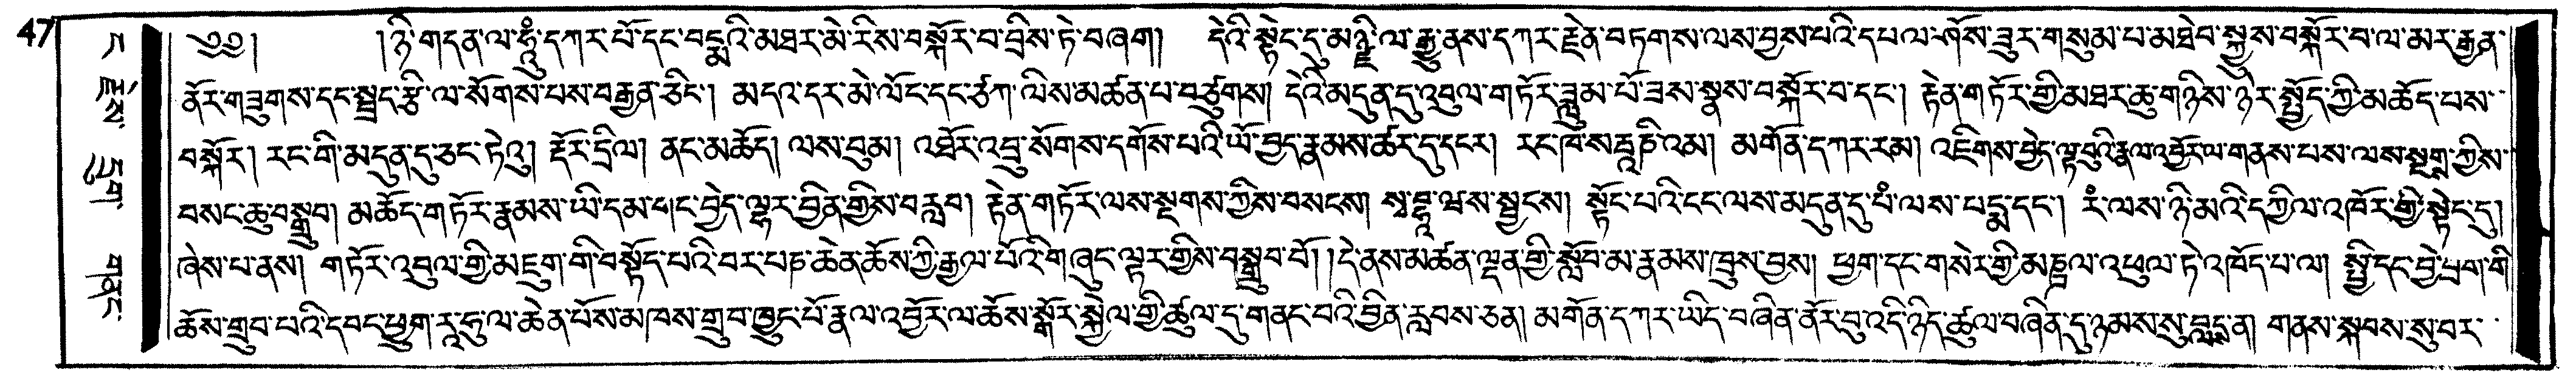༄༅། །ཉི་གདན་ལ་ཧཱུཾ་དཀར་པོ་དང་པདམའི་མཐར་མེ་རིས་བསྐོར་བ་བྲིས་ཏེ་བཞག། དེའི་སྟེང་དུ་མཉྫི་ལ་རྒྱུ་ནས་དཀར་རྗེན་བཏགས་ལས་བྱས་པའི་དཔལ་ཤོས་ཟུར་གསུམ་པ་མཐེབ་སྐྱུས་བསྐོར་བ་ལ་མར་རྒྱན་
ནོར་གཟུགས་དང་སྦྲང་རྩི་ལ་སོགས་པས་བརྒྱན་ཅིང་། མདའ་དར་མེ་ལོང་དང་ཙཀ་ལིས་མཚན་པ་བཙུགས། དེའི་མདུན་དུ་འབུལ་གཏོར་ཟླུམ་པོ་ཟས་སྣས་བསྐོར་བ་དང་། རྟེན་གཏོར་གྱི་མཐར་ཆུ་གཉིས་ཉེར་སྤྱོད་ཀྱི་མཆོད་པས་
བསྐོར། རང་གི་མདུན་དུ་ཅང་ཏེའུ། རྡོར་དྲིལ། ནང་མཆོད། ལས་བུམ། འཐོར་འབྲུ་སོགས་དགོས་པའི་ཡོ་བྱད་རྣམས་ཚར་དུ་དངར། རང་ཁ་སྲྦཱཎི་འམ། མགོན་དཀར་རམ། འཇིགས་བྱེད་ལྟ་བུའི་རྣལ་འབྱོར་ལ་གནས་པས་ལས་སྔགས་ཀྱིས་
བསང་ཆུ་བསྒྲུབ། མཆོད་གཏོར་རྣམས་ཡི་དམ་གང་བྱེད་ལྷར་བྱིན་གྱིས་བརླབ། རྟེན་གཏོར་ལས་སྔགས་ཀྱིས་བསངས། སྭ་བྷཱ་ཝས་སྦྱངས། སྟོང་པའི་ངང་ལས་མདུན་དུ་པཾ་ལས་པདམ་དང་། རཾ་ལས་ཉི་མའི་དཀྱིལ་འཁོར་གྱི་སྟེང་དུ།
ཞེས་པ་ནས། གཏོར་འབུལ་གྱི་མཇུག་གི་བསྟོད་པའི་བར་པཎ་ཆེན་ཆོས་ཀྱི་རྒྱལ་པོའི་གཞུང་ལྟར་གྱིས་བསྒྲུབ་བོ། །དེ་ནས་མཚན་ལྡན་གྱི་སློབ་མ་རྣམས་ཁྲུས་བྱས། ཕྱག་དང་གསེར་གྱི་མཎྜལ་འཕུལ་ཏེ་འཁོད་པ་ལ། སྤྱི་དང་བྱེ་བྲག་གི་
ཆོས་གྲུབ་པའི་དབང་ཕྱུག་རཱ་ཧུ་ལ་ཆེན་པོས་མཁས་གྲུབ་ཁྱུང་པོ་རྣལ་འབྱོར་ལ་ཆོས་སྒོར་སྐྱེལ་གྱི་ཚུལ་དུ་གནང་བའི་བྱིན་རླབས་ཅན། མགོན་དཀར་ཡིད་བཞིན་ནོར་བུ་འདི་ཉིད་ཚུལ་བཞིན་དུ་ཉམས་སུ་བླངས་ན། གནས་སྐབས་སུ་བར་